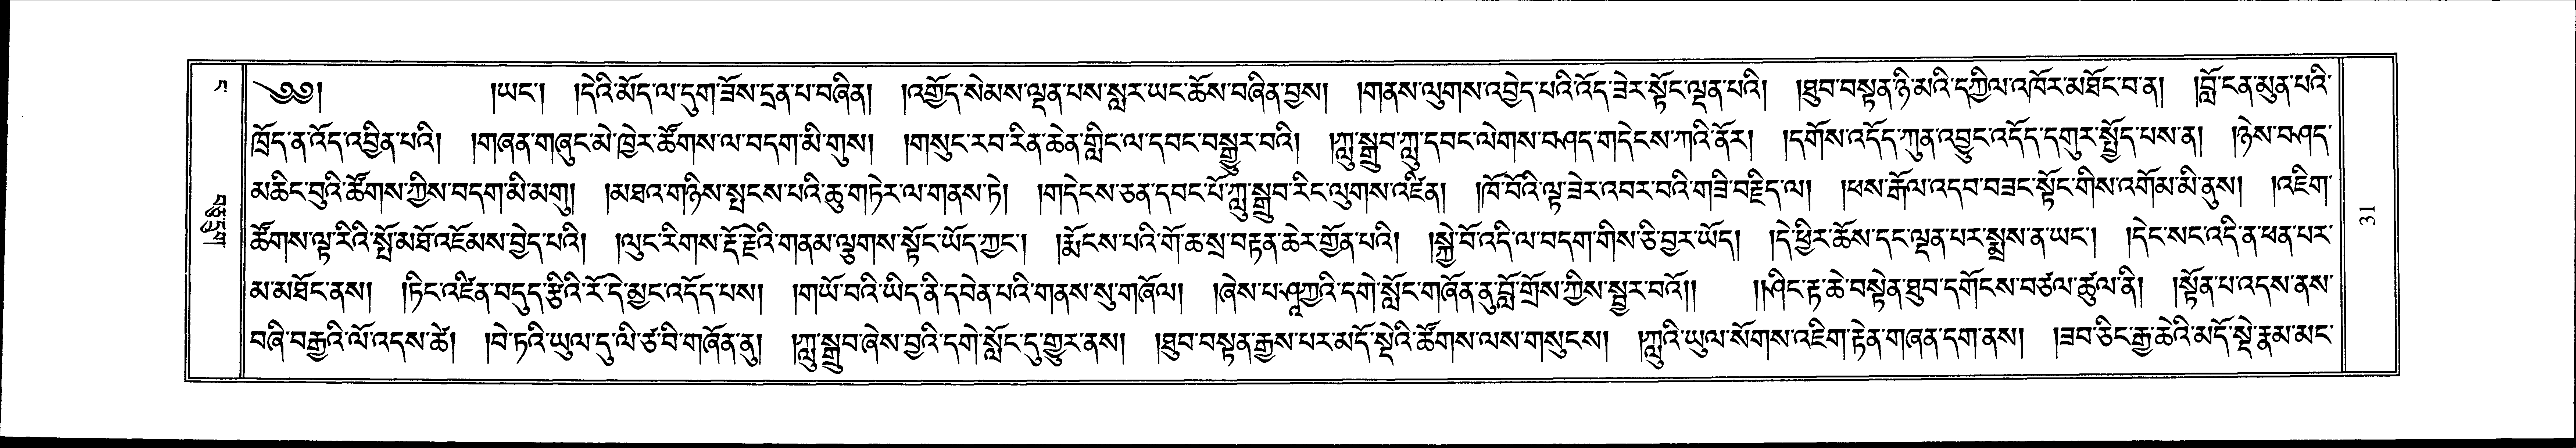༄༅། །ཡང་། །དེའི་མོད་ལ་དུག་ཟོས་དྲན་པ་བཞིན། །འགྱོད་སེམས་ལྡན་པས་སླར་ཡང་ཆོས་བཞིན་བྱས། །གནས་ལུགས་འབྱེད་པའི་འོད་ཟེར་སྟོང་ལྡན་པའི། །ཐུབ་བསྟན་ཉི་མའི་དཀྱིལ་འཁོར་མཐོང་བ་ན། །བློ་ངན་མུན་པའི་
ཁྲོད་ན་འོད་འབྱིན་པའི། །གཞན་གཞུང་མེ་ཁྱེར་ཚོགས་ལ་བདག་མི་གུས། །གསུང་རབ་རིན་ཆེན་གླིང་ལ་དབང་བསྒྱུར་པའི། །ཀླུ་སྒྲུབ་ཀླུ་དབང་ལེགས་བཤད་གདེངས་ཀའི་ནོར། །དགོས་འདོད་ཀུན་འབྱུང་འདོད་དགུར་སྤྱོད་པས་ན། །ཉེས་བཤད་
མཆིང་བུའི་ཚོགས་ཀྱིས་བདག་མི་མགུ། །མཐའ་གཉིས་སྤངས་པའི་ཆུ་གཏེར་ལ་གནས་ཏེ། །གདེངས་ཅན་དབང་པོ་ཀླུ་སྒྲུབ་རིང་ལུགས་འཛིན། །ཁོ་བོའི་ལྟ་ཟེར་འབར་བའི་གཟི་བརྗིད་ལ། །ཕས་རྒོལ་འདབ་བཟང་སྟོང་གིས་འགོམ་མི་ནུས། །འཇིག་
ཚོགས་ལྟ་རིའི་སྤོ་མཐོ་འཇོམས་བྱེད་པའི། །ལུང་རིགས་རྡོ་རྗེའི་གནམ་ལྕགས་སྟོང་ཡོད་ཀྱང་། །རྨོངས་པའི་གོ་ཆ་སྲ་བརྟན་ཆེར་གྱོན་པའི། །སྐྱེ་བོ་འདི་ལ་བདག་གིས་ཅི་བྱར་ཡོད། །དེ་ཕྱིར་ཆོས་དང་ལྡན་པར་སྨྲས་ན་ཡང་། །དེང་སང་འདི་ན་ཕན་པར་
མ་མཐོང་ནས། །ཏིང་འཛིན་བདུད་རྩིའི་རོ་དེ་མྱང་འདོད་པས། །གཡོ་བའི་ཡིད་ནི་དབེན་པའི་གནས་སུ་གཞོལ། །ཞེས་པ་ཤཱཀྱའི་དགེ་སློང་གཞོན་ནུ་བློ་གྲོས་ཀྱིས་སྦྱར་བའོ།། །།ཤིང་རྟ་ཆེ་བསྟེན་ཐུབ་དགོངས་བཙལ་ཚུལ་ནི། །སྟོན་པ་འདས་ནས་
བཞི་བརྒྱའི་ལོ་འདས་ཚེ། །བེ་ཏའི་ཡུལ་དུ་ལི་ཙ་བི་གཞོན་ནུ། །ཀླུ་སྒྲུབ་ཞེས་བྱའི་དགེ་སློང་དུ་གྱུར་ན། །ཐུབ་བསྟན་རྒྱས་པར་མདོ་སྡེའི་ཚོགས་ལས་གསུངས། །ཀླུའི་ཡུལ་སོགས་འཇིག་རྟེན་གཞན་དག་ནས། །ཟབ་ཅིང་རྒྱ་ཆེའི་མདོ་སྡེ་རྣམ་མང་